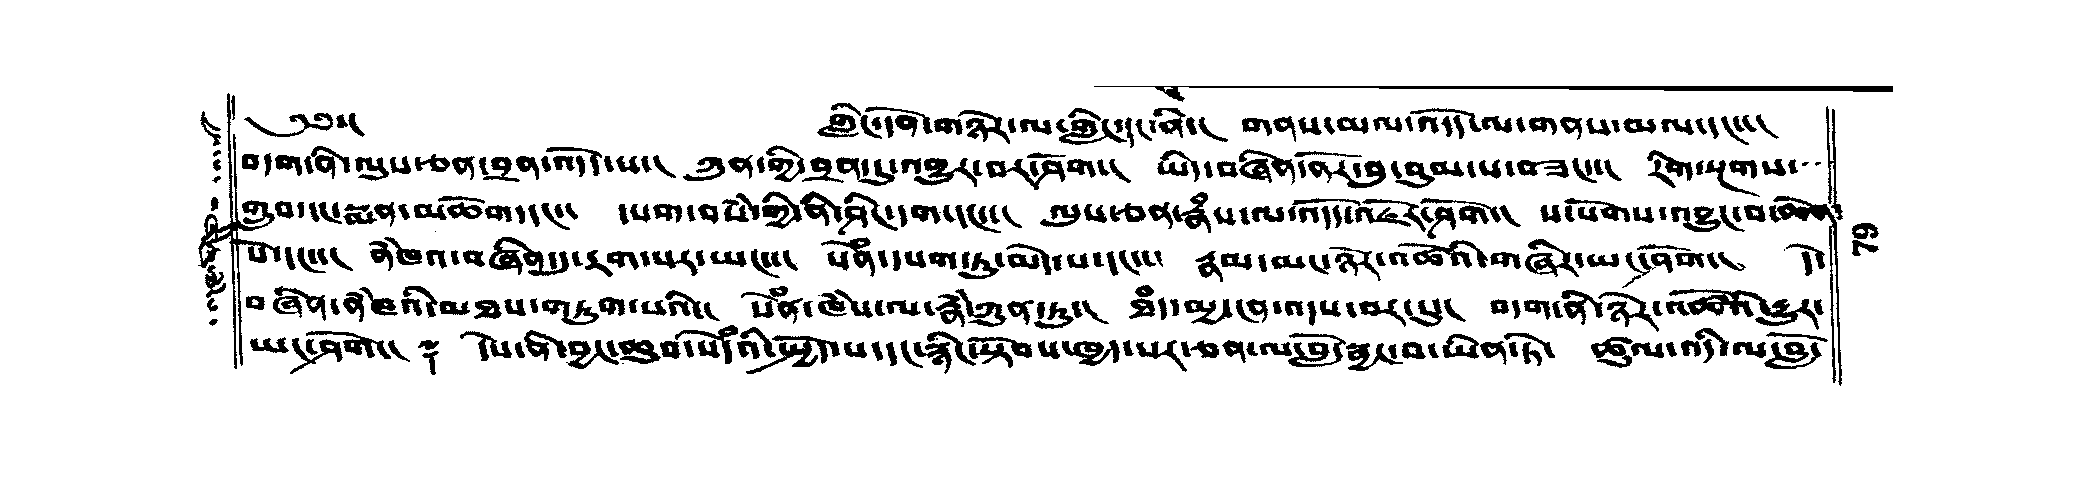གླིང་དོན་གཉེར་ལ་གླིང་དང་ནི། གནས་མལ་འདོད་ལ་གནས་མལ་དང་། 
བདག་ནི་ལུས་ཅན་བྲན་འདོད་པ། ཀུན་གྱི་བྲན་དུ་འགྱུར་བར་ཤོག ཡིད་བཞིན་ནོར་བུ་བུམ་པ་བཟང་། རིག་སྔགས་
གྲུབ་དང་སྨན་མཆོག་དང་། དཔག་བསམ་གྱི་ནི་ཤིང་དག་དང་། ལུས་ཅན་རྣམས་ལ་འདོད་འཇོར་ཤོགས་སོགས་འབྱུང་བ་ཆེན་
པོ་དང་། ནམ་མཁའ་བཞིན་དུ་རྟག་པར་ཡང་། སེམས་ཅན་དཔག་ཏུ་མེད་པ་དང་། རྣམ་མང་ཉེར་འཆོའི་གཞིར་ཡང་ཤོག དེ་
བཞིན་བཞིན་ནམ་མཁའི་མཐས་གཏུག་པའི། སེམས་ཅན་ཁམས་ལ་རྣམ་ཀུན་ཏུ། ཐམས་ཅད་མྱ་ངན་འདས་བར་དུ། བདག་ནི་ཉེར་འཚོའི་རྒྱུར་
ཡང་ཤོག ༈ དེས་ནི་བྱང་ཆུབ་སེམས་དཔའ་སྤྱོད་པ་དང་སྙིང་སྟོབས་ཁྱད་པར་ཅན་ལ་བློ་སྦྱང་བ་ཡིན་ཏེ། ཚུལ་འདི་ལ་བློ་